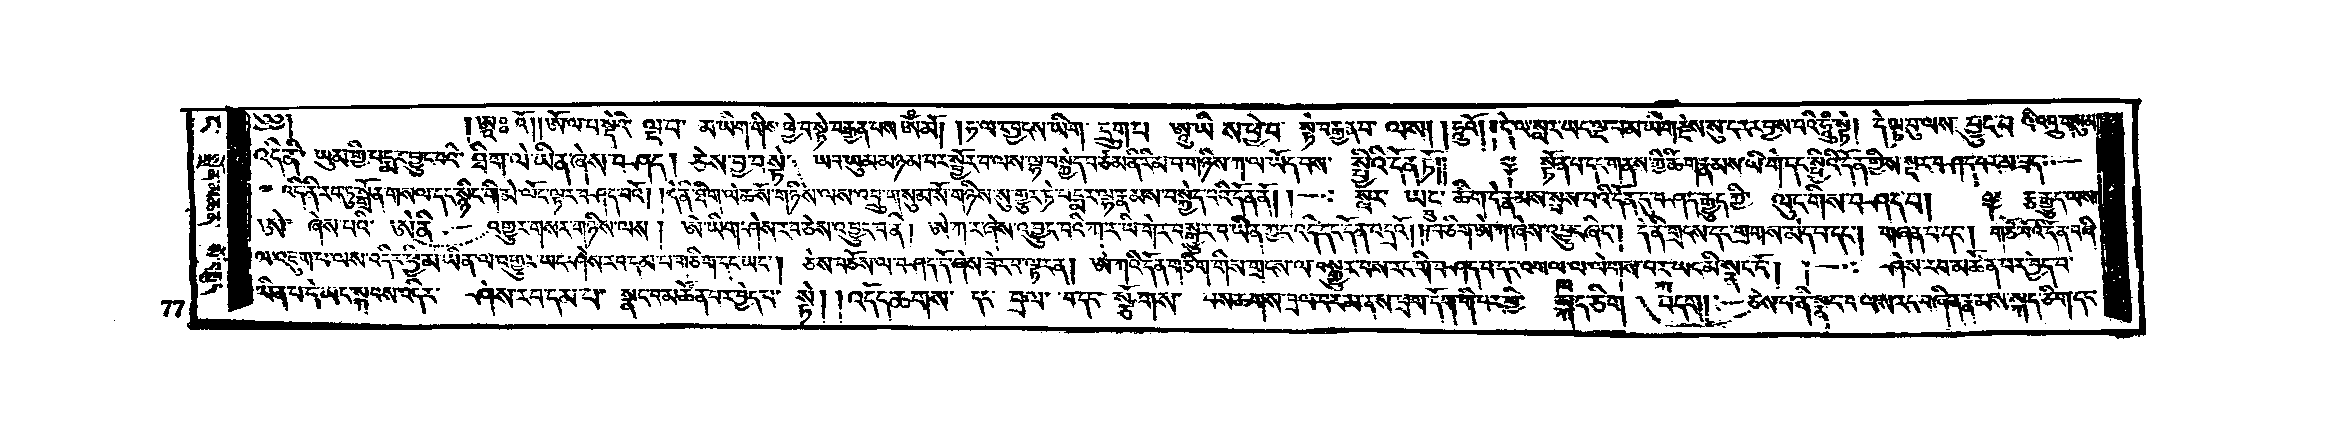༄༅། །ཨཿའོ། །ཨོ་ལ་པ་སྡེའི་ལྔ་པ་ལ་ཡིག་གིས་ཕྱེ་བ་སྟེ་བརྒྱན་པས་ཨོཾ་མོ། །ཧ་ལ་དབྱངས་ཡིག་དྲུག་པ་ཨཱུ་ཡི་ས་ཞེ་བ་སྟེ་བརྒྱད་པ་ལས། །ཧཱུའོ། །དེ་ལ་སླར་ཡང་ལྔ་པ་མ་ཡིག་རྗེས་སུ་ད་རང་བྱས་པའི་ཧཱུཾ་སྟེ། དེ་ལྟ་བུ་ལས་བྱུང་བའི་འབྲུ་གསུམ་
འདི་ནི་ཡུམ་གྱི་པམར་ཕྱུང་བའི་ཐིག་ལེ་ཡིན་ཞེས་བཤད། ཅད་བྱ་བ་སྟེ། ཡབ་ཡུམ་མཉམ་པར་སྦྱོར་བ་ལས་ལྷ་བསྐྱེད་པ་ཙམ་ནི་རིམ་པ་གཉིས་ཀ་ལ་ཡོད་པས་སྤྱིའི་དོན་ཏོ། ༈ སྟོན་པ་དང་གནས་ཀྱི་ཚིག་རྣམས་ཡི་གེ་དང་སྤྱིའི་དོན་གྱིས་སྔར་བཤད་པར་མ་ཟདཿ
༧འདི་ནི་རབ་ཏུ་སྒྲོན་གསལ་དང་སྙིང་གི་མེ་ལོང་ལྟར་བཤད་པའོ།།དེ་ནི་ཐིག་ལེ་ཆ་སོ་གཉིས་ལས་འབྲུ་གསུམ་སོ་གཉིས་སུ་གྱུར་ཏེ་པམར་ལྷ་རྣམས་བསྐྱེད་པའི་དོན་ནོ།།.Hསླར་ཡང་ཚིག་དེ་རྣམས་སྤས་པའི་དོན་དུ་བཤད་རྒྱུད་ཀྱི་ལུང་གིས་བཤད་པ། ༈ རྩ་རྒྱུད་ལས་
ཨེ་ཞེས་པའི་ཨེ་ནིཿའགྱུར་གསར་གཉིས་ལས། ཨེ་ཡིག་ཤེས་རབ་ཅེས་འབྱུང་བ་ནི། ཨེ་ཀར་ཞེས་འབྱུང་བའི་ཀར་ཡི་གེར་བསྒྱུར་བ་ཡིན་ཀྱང་འདི་དང་དོན་འདྲའོ།།ཁ་ཅིག་ཨེ་ཀ་ཞེ་འབྱུང་ཞིང་།དེ་ནི་གྲངས་དང་གྲགས་མེད་པ་དང་། གཞན་པ་དང་། གཙོ་བོའི་དོན་བཞི་
ལ་འཇུག་པ་ལས་འདིར་ཕྱི་མ་ཡིན་ལ་འགྱུར་ཡང་ཤེས་རབ་དམ་པ་གཅིག་དང་ཡང་། ཅེས་བཅོས་ལ་བཤད་དོ་ཞེས་ཟེར་བ་ལྟར་ན་ཨེ་ཀའ་དོན་གཅིག་གིས་གྲངས་ལ་བསྒྱུར་བས་རང་གི་བཤད་པ་དང་འགལ་ལ་ལེགས་པར་ཡང་མི་སྣང་ངོ། །.Hཤེས་རབ་མཚོན་པར་བྱེད་པ་
ཡིན་པ་དེ་ཡང་སྐབས་འདིར་ཤེས་རབ་དམ་པ་སྣང་བ་མཚོན་པར་བྱེད་པ་སྟེ། །འདོད་ཆགས་དང་བྲལ་བ་དང་སྩོགས་པས་ཆགས་བྲལ་བར་མ་ནས་ཕྲག་དོན་གི་ངར་གྱི་སྐད་ཅིག་བདག །H.ཅས་པ་ནི་སྣང་བ་ལས་རང་བཞིན་རྣམས་དཀད་ཅིག་དང་